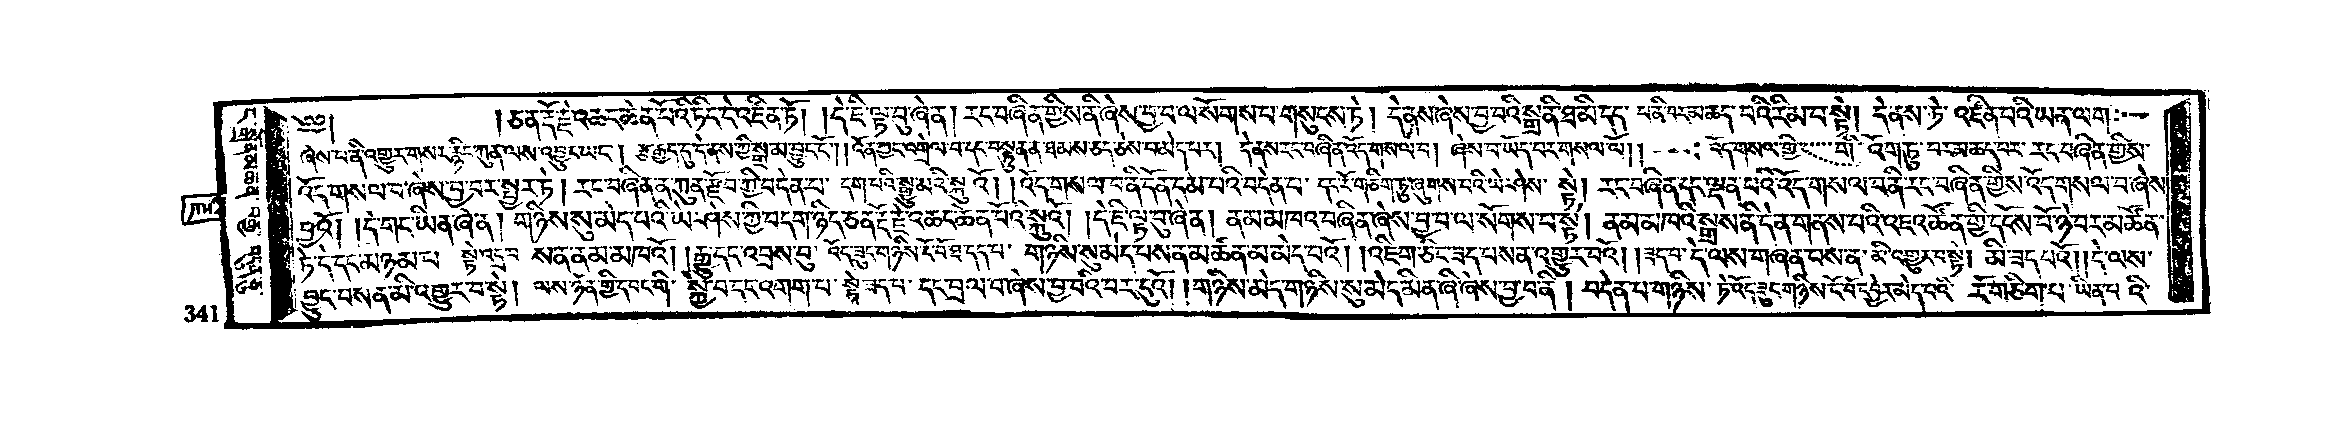༄༅། །ཅན་རྡོ་རྗེ་འཆང་ཆེན་པོའི་ཏིང་ངེ་འཛིན་ཏོ། །དེ་ཇི་ལྟ་བུ་ཞེ་ན། རང་བཞིན་གྱིས་ནི་ཞེས་བྱ་བ་ལ་སོགས་པ་གསུངས་ཏེ། དེ་ནས་ཞེས་བྱ་བའི་སྒྲ་ནི་ཐ་མི་དད་པ་ནི་བར་མ་ཆད་པའི་རིམ་པ་སྟེ། དེ་ནས་ཏེ་འཛིན་པའི་ཡན་ལག་
ཞེས་པ་ནི་འགྱུར་གསར་རྙིང་ཀུན་ལས་འབྱུང་ཡང་། རྩ་རྒྱུད་དུ་དེ་ནས་ཀྱི་སྒྲ་མ་བྱུང་ངོ། །འོན་ཀྱང་འགྲེལ་པ་དང་བསྟན་ན་ཐམས་ཅད་ཅེས་པ་མེད་པར། དེ་ནས་རང་བཞིན་འོད་གསལ་བ། ཞེས་པ་ཡོད་པར་གསལ་ལོ། ། འོད་གསལ་གྱ་གི་འོག་ཏུ་བར་མ་ཆད་པར་རང་བཞིན་གྱིས་
འོད་གསལ་བ་ཞེས་བྱ་བར་སྦྱར་ཏེ། རང་བཞིན་ན་ཀུན་རྫོབ་ཀྱི་བདེན་པ་དག་པའི་སྒྱུ་མའི་སྐུའོ། །འོད་གསལ་བ་ནི་དོན་དམ་པའི་བདེན་པ་དང་རོ་གཅིག་ཏུ་ཞུགས་པའི་ཡེ་ཤེས་སྟེ། རང་བཞིན་དང་ལྡན་པའི་འོད་གསལ་བ་ནི་རང་བཞིན་གྱིས་འོད་གསལ་བ་ཞེས་
བྱའོ། །དེ་གང་ཡིན་ཞེ་ན། གཉིས་སུ་མེད་པའི་ཡེ་ཤེས་ཀྱི་བདག་ཉིད་ཅན་རྡོ་རྗེ་འཆང་ཆེན་པོའི་སྐུའོ། །དེ་ཇི་ལྟ་བུ་ཞེ་ན། ནམ་མཁའ་བཞིན་ཞེས་བྱ་བ་ལ་སོགས་པ་སྟེ། ནམ་མཁའི་སྒྲས་ནི་དེ་ན་གནས་པའི་འཇའ་ཚོན་གྱི་དངོས་པོ་ཉེ་བར་མཚོན་
ཏེ་དེ་དང་མཉམ་པ་སྟེ་འདྲ་བ་ས་ན་ནམ་མཁའོ། །རྒྱུ་དང་འབྲས་བུ་འོད་ཟུང་གཉིས་ངོ་བོ་ཐ་དད་པ་གཉིས་སུ་མེད་པས་ན་མཚན་མ་མེད་པའོ། །འཇིག་ཅིང་ཟད་པས་ན་འགྱུར་བའོ། ། ཟད་པ་དེ་ལས་གཞན་པས་ན་མི་འགྱུར་བ་སྟེ། མི་ཟད་པའོ། །དེ་ལས་
བྱུང་བས་ན་མི་འགྱུར་བ་སྟེ། ལས་ཉོན་གྱི་དབང་གི་སྐྱེ་བ་དང་འགག་པ་སྟེ་ཟད་པ་དང་བྲལ་བ་ཞེས་བྱ་བའི་བར་དུའོ། །གཉིས་མེད་གཉིས་སུ་མེད་མིན་ཞི་ཞེས་བྱ་བ་ནི། བདེན་པ་གཉིས་ཏེ་འོད་ཟུང་གཉིས་ངོ་བོ་དབྱེར་མེད་པའི་རོ་གཅིག་པ་ཡིན་པའི